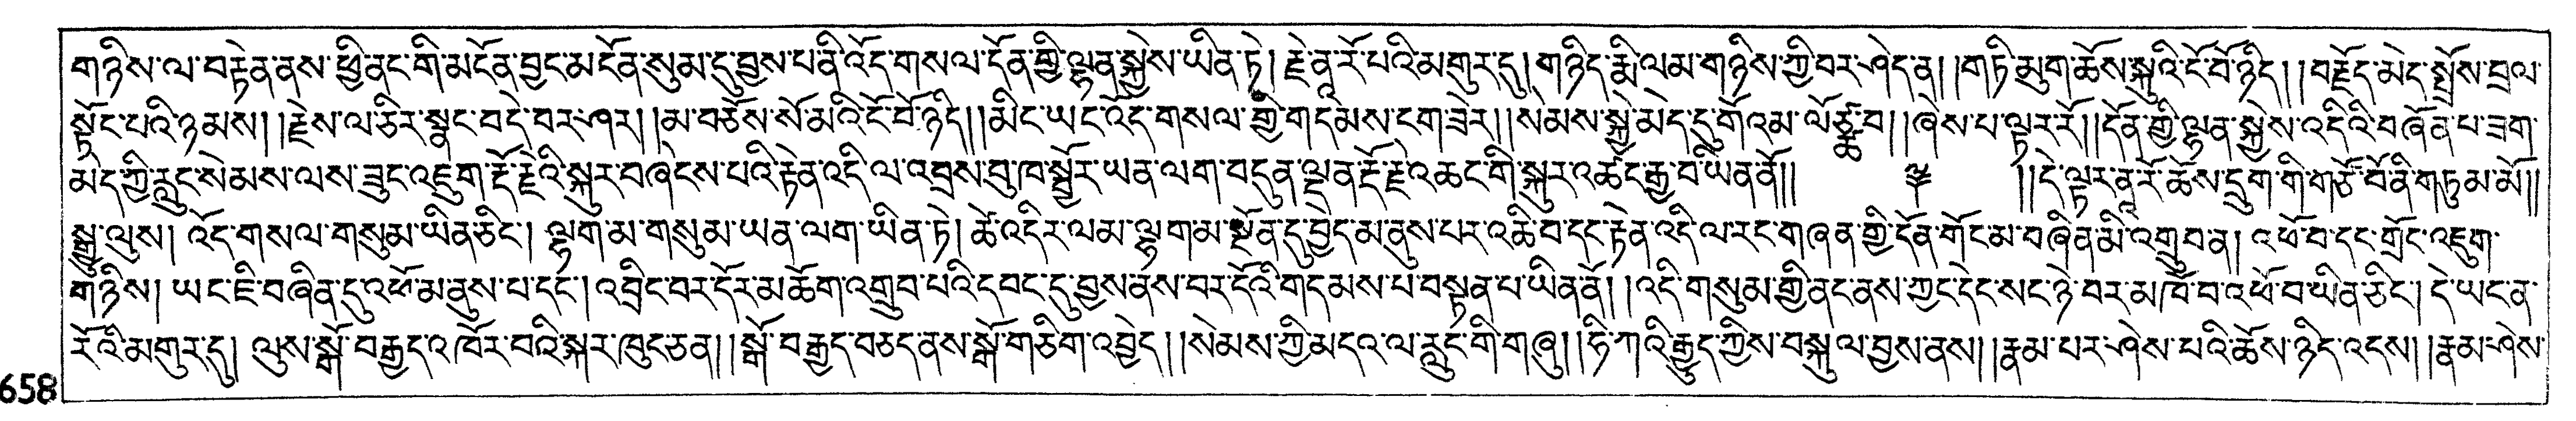གཉིས་ལ་བརྟེན་ནས་ཕྱི་ནང་གི་མངོན་བྱང་མངོན་སུམ་དུ་བྱས་པ་ནི་འོད་གསལ་དོན་གྱི་ལྷན་སྐྱེས་ཡིན་ཏེ། རྗེ་ནཱ་རོ་པའི་མགུར་དུ། གཉིད་རྨི་ལམ་གཉིས་ཀྱི་བར་ཤེད་ན། །གཏི་མུག་ཆོས་སྐུའི་ངོ་བོ་ཉིད། །བརྗོད་མེད་སྤྲོས་བྲལ་
སྟོང་པའི་ཉམས། །རྗེས་ལ་ཅིར་སྣང་བདེ་བར་ཤར། །མ་བཅོས་སོ་མའི་ངོ་བོ་ཉིད། །མིང་ཡང་འོད་གསལ་གྱི་གདམས་ངག་ཟེར། །སེམས་སྐྱེ་མེད་དུ་གོའམ་ལོཙྪ་བ། །ཞེས་པ་ལྟར་རོ། །དོན་གྱི་ལྷན་སྐྱེས་འདིའི་བཞོན་པ་ཟག་
མེད་ཀྱི་རླུང་སེམས་ལས་ཟུང་འཇུག་རྡོ་རྗེའི་སྐུར་བཞེངས་པའི་རྟེན་འདི་ལ་འབྲས་བུ་ཁ་སྦྱོར་ཡན་ལག་བདུན་ལྡན་རྡོ་རྗེ་འཆང་གི་སྐུར་འཚང་རྒྱ་བ་ཡིན་ནོ།། ༈ །།དེ་ལྟར་ནཱ་རོ་ཆོས་དྲུག་གི་གཙོ་བོ་ནི་གཏུམ་མོ། །
སྒྱུ་ལུས། འོད་གསལ་གསུམ་ཡིན་ཅིང་། ལྷག་མ་གསུམ་ཡན་ལག་ཡིན་ཏེ། ཚེ་འདིར་ལམ་ལྷག་མ་སྔོན་དུ་བྱེད་མ་ནུས་པར་འཆི་བ་དང་རྟེན་འདི་ལ་རང་གཞན་གྱི་དོན་གོང་མ་བཞིན་མི་འགྲུབ་ན། འཕོ་བ་དང་གྲོང་འཇུག་
གཉིས། ཡང་ཇི་བཞིན་དུ་འཕོ་མ་ནུས་པ་དང་། འབྲིང་བར་དོར་མཆོག་འགྲུབ་པའི་དབང་དུ་བྱས་ནས་བར་དོའི་གདམས་པ་བསྟན་པ་ཡིན་ནོ། །འདི་གསུམ་གྱི་ནང་ནས་ཀྱང་དེང་སང་ཉེ་བར་མཁོ་བ་འཕོ་བ་ཡིན་ཅིང་། དེ་ཡང་ན་
རོའི་མགུར་དུ། ལུས་སྒོ་བརྒྱད་འཁོར་བའི་སྐར་ཁུང་ཅན། །སྒོ་བརྒྱད་བཅད་ནས་སྒོ་གཅིག་འབྱེད། །སེམས་ཀྱི་མདའ་ལ་རླུང་གི་གཞུ། །ཧི་ཀའི་རྒྱུད་ཀྱིས་བསྐུལ་བྱས་ནས། །རྣམ་པར་ཤེས་པའི་ཆོས་ཉིད་འདས། །རྣམ་ཤེས་